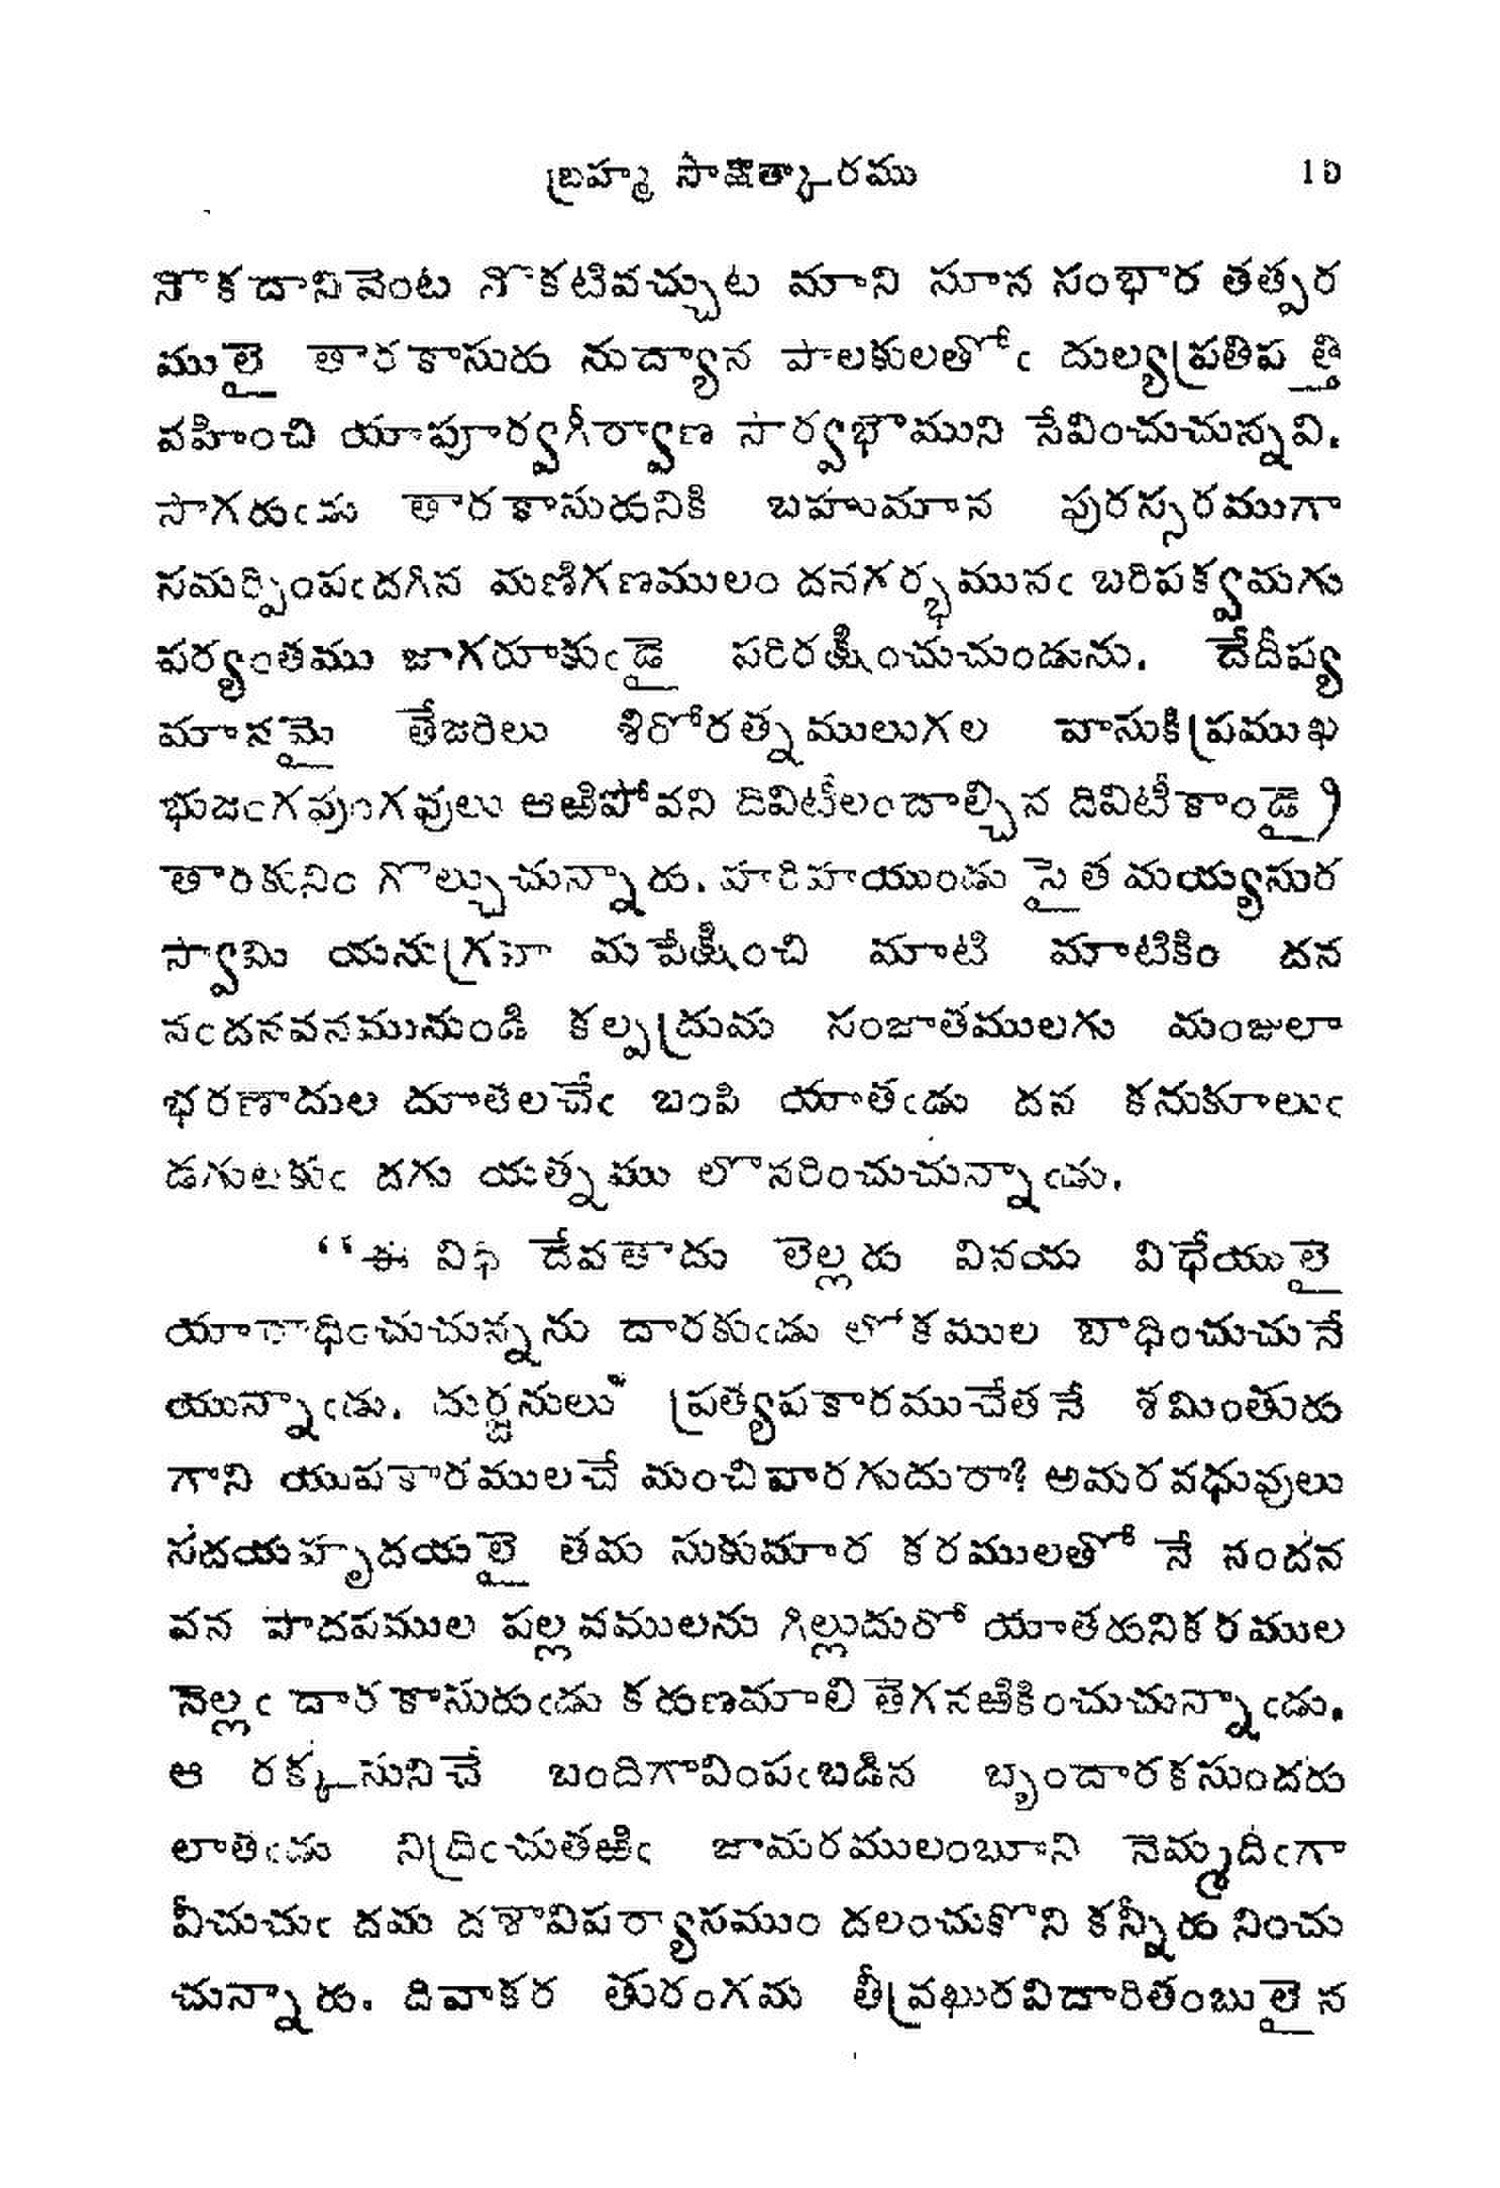సౌకదాని వెంట నొకటివచ్చుట మాని సూస సంభార తత్పరములై తారకాసురు నుద్యాన పాలకులతోఁ దుల్య ప్రతిపత్తి
వహించి యాపూర్వగీర్వాణ సార్వభౌముని సేవించుచున్నవి. సాగరుడు తారకాసురునికి బహుమాన పురస్సరముగా
సమర్పింపఁదగిన మణిగణములం దనగర్భమునఁ బరిపక్వమగు పర్యంతము జాగరూకుఁడై పరిరక్షించుచుండును. దేదీప్య
మానమై తేజరిలు శిరోరత్నములుగల వాసుకి ప్రముఖ భుజఁగపుంగవులు ఆఱిపోవని దివిటీం దాల్చిన దివిటీ కాండ్రై
తారకునిఁ గొల్చుచున్నారు. హరిహయుండు సైతమయ్యనుర స్వామి యనుగ్రహ మపేక్షించి మాటి మాటికిం దన
నందనవనమునుండి కల్పద్రుమ సంజాతములగు మంజులా భరణాదుల దూతలచేఁ బంపి యాతఁడు దన కనుకూలుఁ
డగుటకుఁ దగు యత్నము లొనరించుచున్నాడు.

"ఈ విధి దేవతాదు లెల్లరు వినయ విధేయులై యాగాధించుచున్నను దారకుఁడు లోకముల బాధించుచునే యున్నాఁడు. దుర్జనులు' ప్రత్యపకారము చేతనే శమింతురు గాని యుపకారములచే మంచివారగుదురా? అమర వధువులు సదయ హృదయలై తమ సుకుమార కరములతో నే నందన వన పాదపముల పల్లవములను గిల్లుదురో యాతరునికరముల
నెల్లఁ దార కాసురుఁడు కరుణమాలి తెగనఱికించుచున్నాఁడు. ఆ రక్కసునిచే బంది గావింపఁబడిన బృందారక సుందరు
లాతఁడు నిద్రించుతఱిఁ జామరములంబూని నెమ్మదిఁగా వీచుచుఁ దమ దశావిపర్యాసముం దలంచుకొని కన్నీరు నించు
చున్నారు. దివాకర తురంగమ తీవ్రఖుర విదారితంబులైన